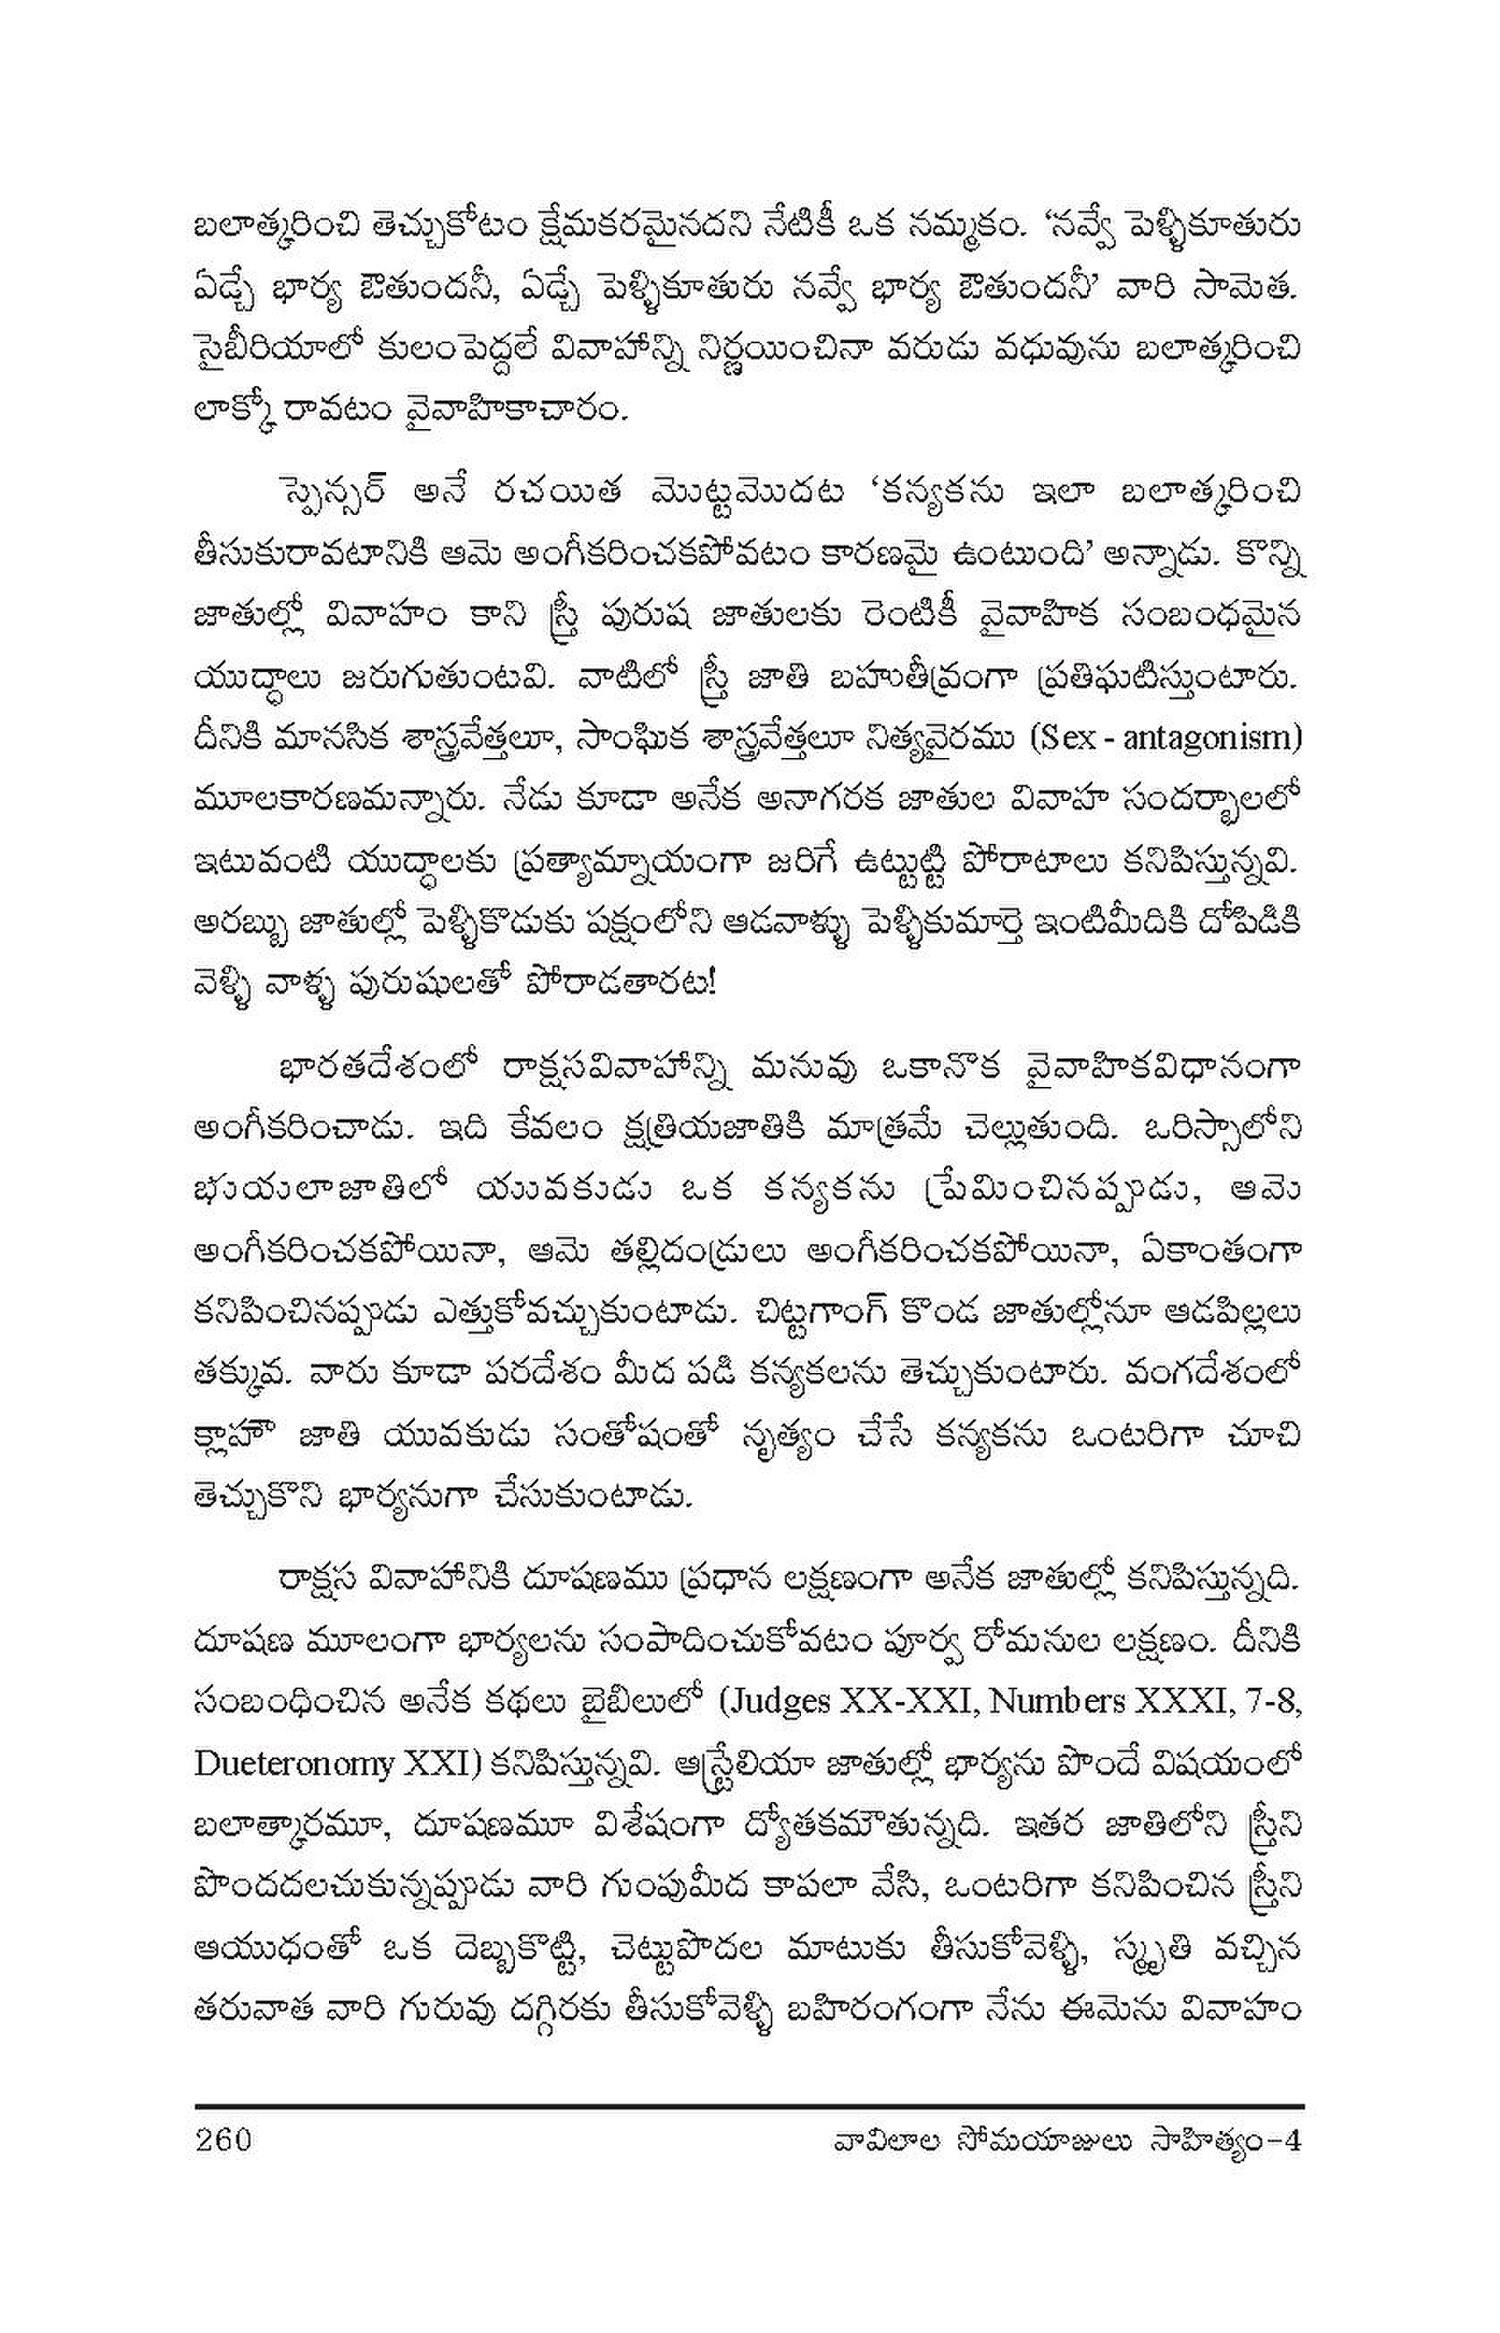బలాత్కరించి తెచ్చుకోటం క్షేమకరమైనదని నేటికీ ఒక నమ్మకం. 'నవ్వే పెళ్ళికూతురు
ఏడ్చే భార్య ఔతుందనీ, ఏడ్చే పెళ్ళికూతురు నవ్వే భార్య ఔతుందనీ' వారి సామెత.
సైబీరియాలో కులం పెద్దలే వివాహాన్ని నిర్ణయించినా వరుడు వధువును బలాత్కరించి
లాక్కో రావటం వైవాహికాచారం.

స్పెన్సర్ అనే రచయిత మొట్టమొదట 'కన్యకను ఇలా బలాత్కరించి
తీసుకురావటానికి ఆమె అంగీకరించకపోవటం కారణమై ఉంటుంది' అన్నాడు. కొన్ని
జాతుల్లో వివాహం కాని స్త్రీ పురుష జాతులకు రెంటికీ వైవాహిక సంబంధమైన
యుద్ధాలు జరుగుతుంటవి. వాటిలో స్త్రీ జాతి బహుతీవ్రంగా ప్రతిఘటిస్తుంటారు.
దీనికి మానసిక శాస్త్రవేత్తలూ, సాంఘిక శాస్త్రవేత్తలూ నిత్యవైరము (Sex - antagonism)
మూలకారణమన్నారు. నేడు కూడా అనేక అనాగరిక జాతుల వివాహ సందర్భాలలో
ఇటువంటి యుద్ధాలకు ప్రత్యామ్నాయంగా జరిగే ఉట్టుట్టి పోరాటాలు కనిపిస్తున్నవి.
అరబ్బు జాతుల్లో పెళ్ళికొడుకు పక్షంలోని ఆడవాళ్ళు పెళ్ళికుమార్తె ఇంటిమీదికి దోపిడికి
వెళ్ళి వాళ్ళ పురుషులతో పోరాడతారట!

భారతదేశంలో రాక్షసవివాహాన్ని మనువు ఒకానొక వైవాహిక విధానంగా
అంగీకరించాడు. ఇది కేవలం క్షత్రియజాతికి మాత్రమే చెల్లుతుంది. ఒరిస్సాలోని
భుయలాజాతిలో యువకుడు ఒక కన్యకను ప్రేమించినప్పుడు, ఆమె
అంగీకరించకపోయినా, ఆమె తల్లిదండ్రులు అంగీకరించకపోయినా, ఏకాంతంగా
కనిపించినప్పుడు ఎత్తుకు వచ్చుకుంటాడు. చిట్టగాంగ్ కొండ జాతుల్లోనూ ఆడపిల్లలు
తక్కువ. వారు కూడా పరదేశం మీద పడి కన్యకలను తెచ్చుకుంటారు. వంగదేశంలో
క్లాహౌ జాతి యువకుడు సంతోషంతో నృత్యం చేసే కన్యకను ఒంటరిగా చూచి
తెచ్చుకొని భార్యనుగా చేసుకుంటాడు.

రాక్షస వివాహానికి దూషణము ప్రధాన లక్షణంగా అనేక జాతుల్లో కనిపిస్తున్నది.
దూషణ మూలంగా భార్యలను సంపాదించుకోవటం పూర్వ రోమనుల లక్షణం. దీనికి
సంబంధించిన అనేక కథలు బైబిలులో (Judges XX-XXI, Numbers XXXI, 7-8,
Dueteronomy XXI) కనిపిస్తున్నవి. ఆస్ట్రేలియా జాతుల్లో భార్యను పొందే విషయంలో
బలాత్కారమూ, దూషణమూ విశేషంగా ద్యోతకమౌతున్నది. ఇతర జాతిలోని స్త్రీని
పొందదలచుకున్నప్పుడు వారి గుంపుమీద కాపలా వేసి, ఒంటరిగా కనిపించిన స్త్రీని
ఆయుధంతో ఒక దెబ్బకొట్టి, చెట్టుపొదల మాటుకు తీసుకోవెళ్ళి, స్మృతి వచ్చిన
తరువాత వారి గురువు దగ్గరకు తీసుకోవెళ్ళి బహిరంగంగా నేను ఈమెను వివాహం